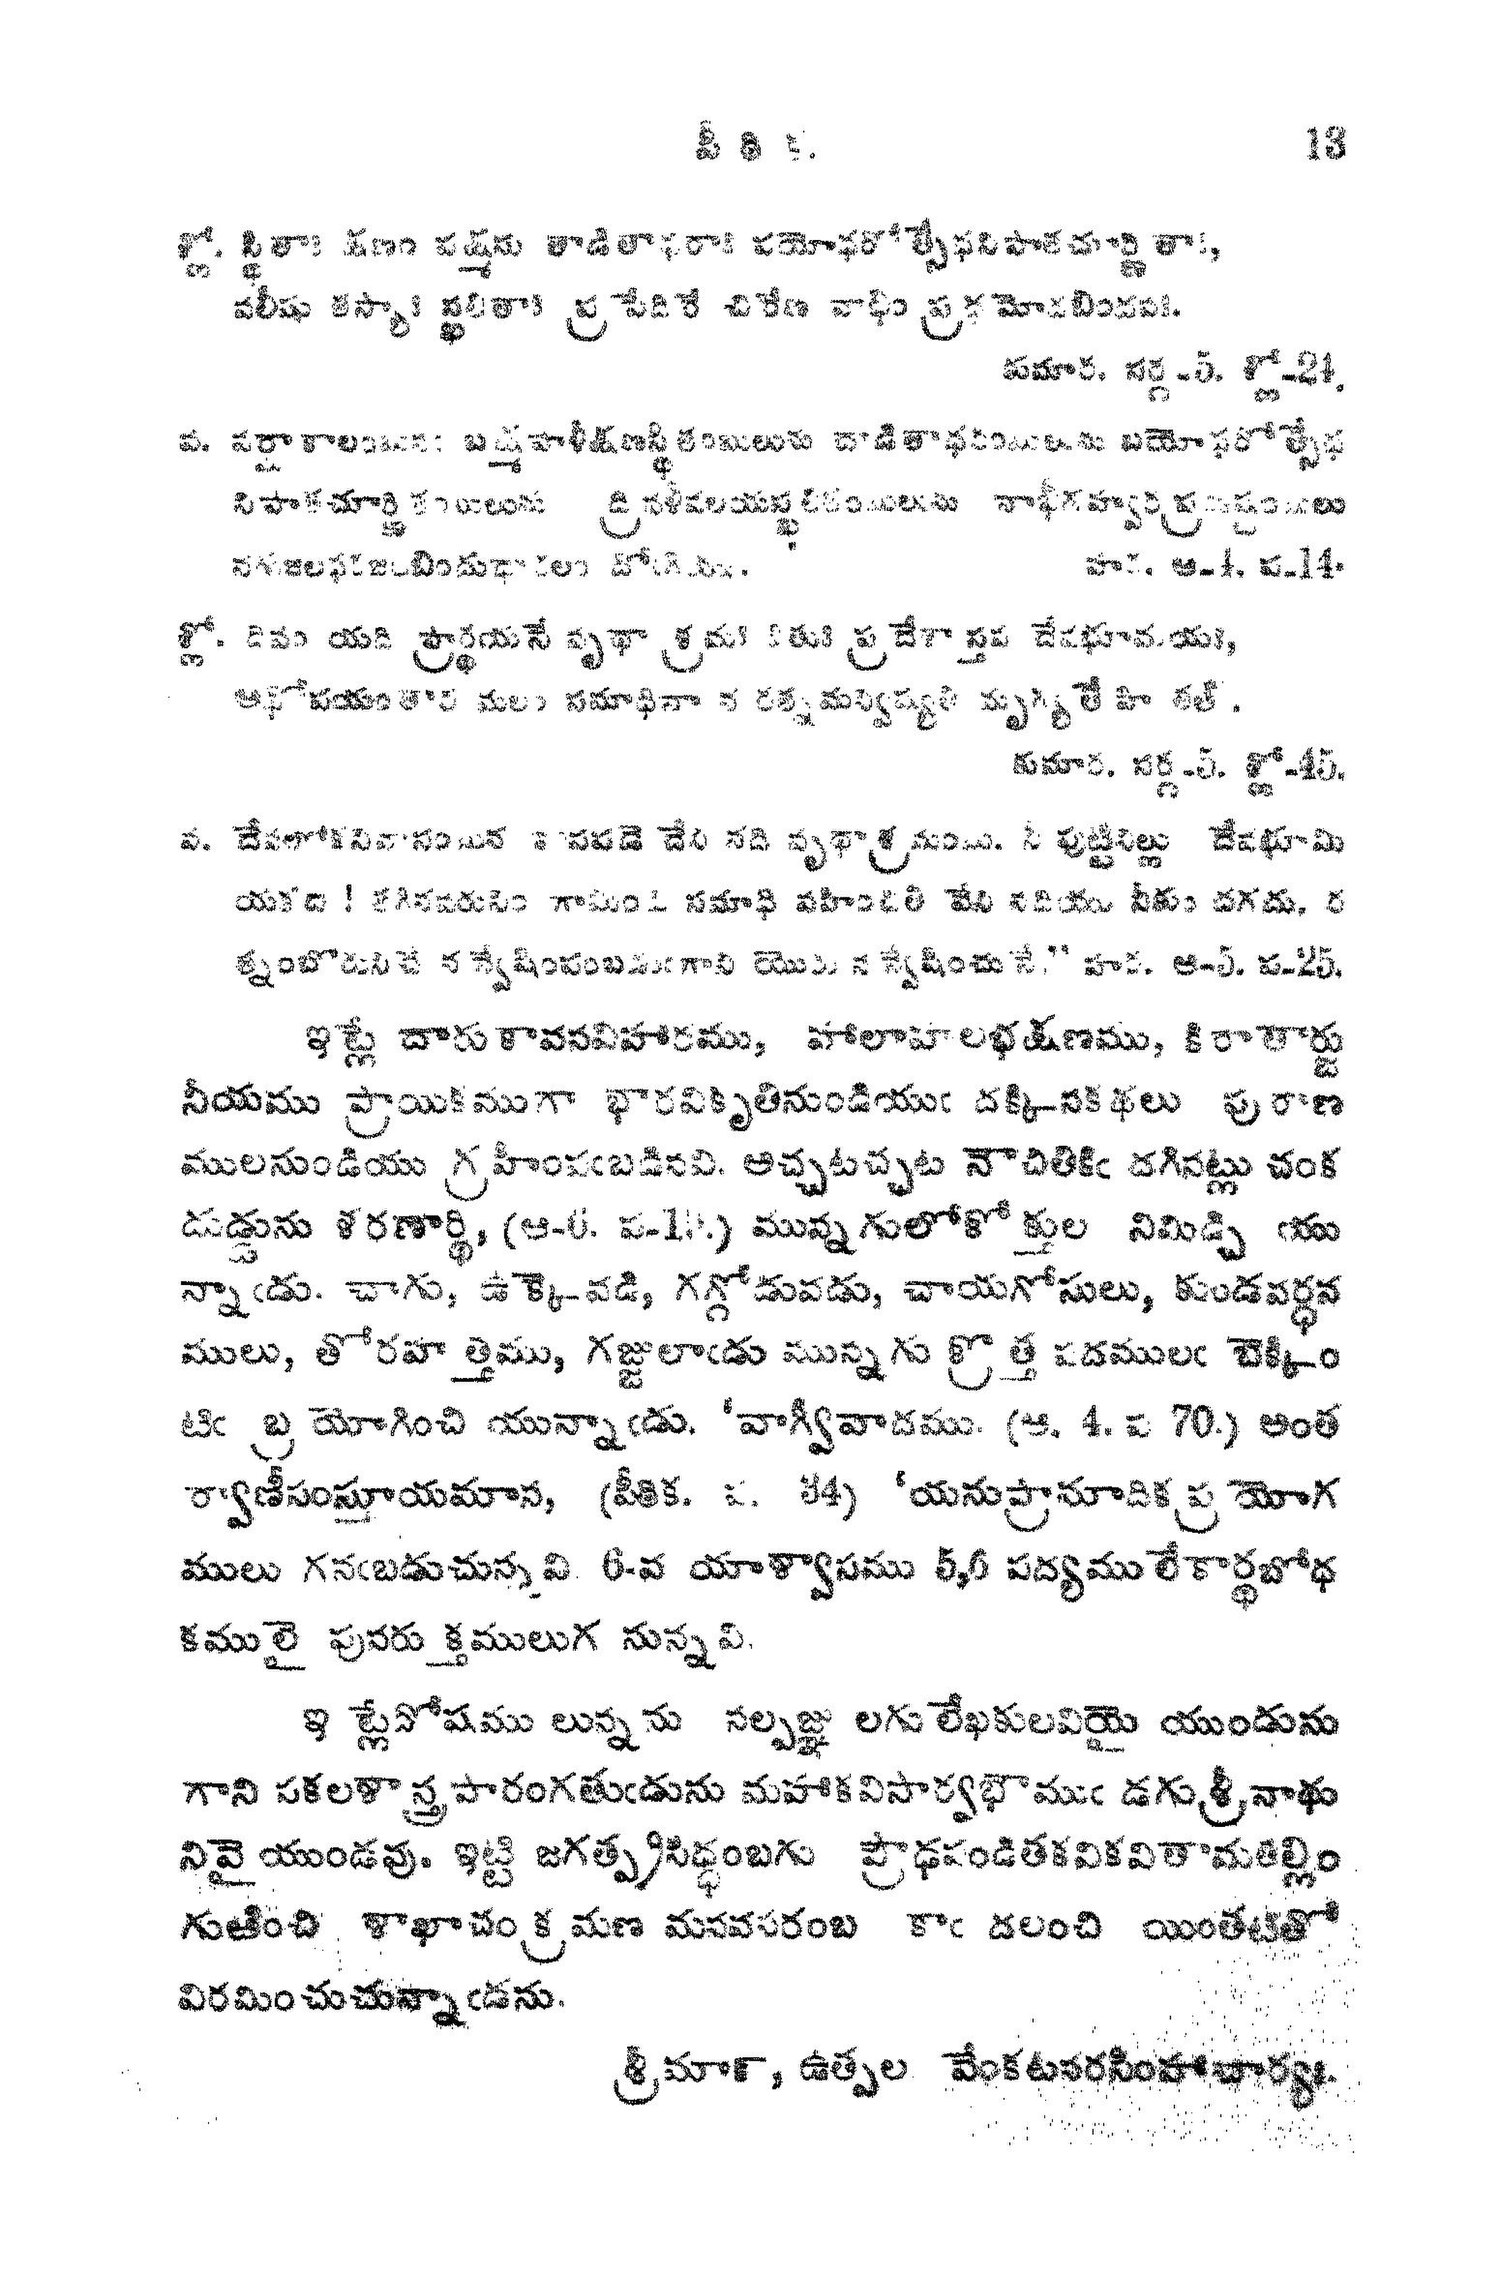శ్లో. స్థితాః క్షణం పక్ష్మసు తాడితాధరాః పయోధరోత్సేధనిపాతచూర్ణితాః, 
 వలీషు తస్యాః స్ఖలితాః ప్రపేదిరే చిరేణ నాభిం ప్రథమోదబిందవః. - కుమార. సర్గ-5. శ్లో.21, 

వ.వర్షాకాలంబునఁ బక్ష్మపాళీక్షణస్థితంబులును దాడితాధరంబులును బయోధరోత్సేధనిపాతచూర్ణితంబులును, ద్రివళీక్షణస్ఖలితంబులును, నాభిగహ్వరప్రవిష్టంబులునగు జలధరజలబిందుధారలం దోఁగియు.- హర. ఆ-4 ప-14

శ్లో. దివం యది ప్రార్థయసే వృథా శ్రమః వితుః ప్రదేశాస్తవ దేవభూమయః, 
అథోపయంతార మలం సమాధినా న రత్న మన్విష్యతి మృగ్యతే హి తత్ - కుమార. సర్గ. 3. శ్లో. 45. 

వ. దేవలోకనివాసంబున కాసపడెదేని నది వృథాశ్రమంబు. నీ పుట్టినిల్లు దేవభూమియకదా? తగినవరునిం గామించి సమాధి వహించితి వేని నదియు నీకుం దగదు రత్నం బొరునిచే నన్వేషింపఁబడుఁగాని యొరు నన్వేషించునే? - హర. ఆ-5. ప.25.

ఇట్లే దారుకావనవిహారము, హాలాహలభక్షణము, కిరాతార్జునీయము ప్రాయికముగా భారవికృతినుండియుఁ దక్కినకథలు పురాణములనుండియు గ్రహింపఁబడినవి. అచ్చటచ్చట నౌచితికిఁ దగినట్లు చంకదుడ్డును శరణార్జి, (ఆ-6. ప-1) మున్నగులోకోక్తుల నిమిడ్చి యున్నాఁడు. చాగు, ఉక్కెవడి, గగ్గోడువడు, చాయగోసులు, కుండవర్ధనములు, తోరహత్తము, గజ్జులాఁడు మున్నగు క్రొత్త పదములఁ బెక్కింటిఁ బ్రయోగించి యున్నాడు. 'వాగ్వీవాదము. (ఆ. 4.ప 70.) అంతర్వాణీసంస్తూయమాన, (పీఠిక. ప. 34)'యనుప్రామాదిక ప్రయోగములు గనఁబడుచున్నవి. 6-వ యాశ్వాసము 5,6 పద్యము లేకార్థబోధకములై పునరుక్తములుగ నున్నవి.

ఇ ట్లేదోషములున్నను నల్పజ్ఞు లగులేఖకులవియై యుండును గాని సకలశాస్త్రపారంగతుఁడును మహాకవిసార్వభౌముఁ డగు శ్రీనాథునివై యుండవు. ఇట్టి జగత్ప్రసిద్ధంబగు ప్రౌఢపండితకవికవితామతల్లిం గుఱించి శాఖాచంక్రమణ మనవసరంబ కాఁ దలంచి యింతటితో విరమించుచున్నాఁడను.